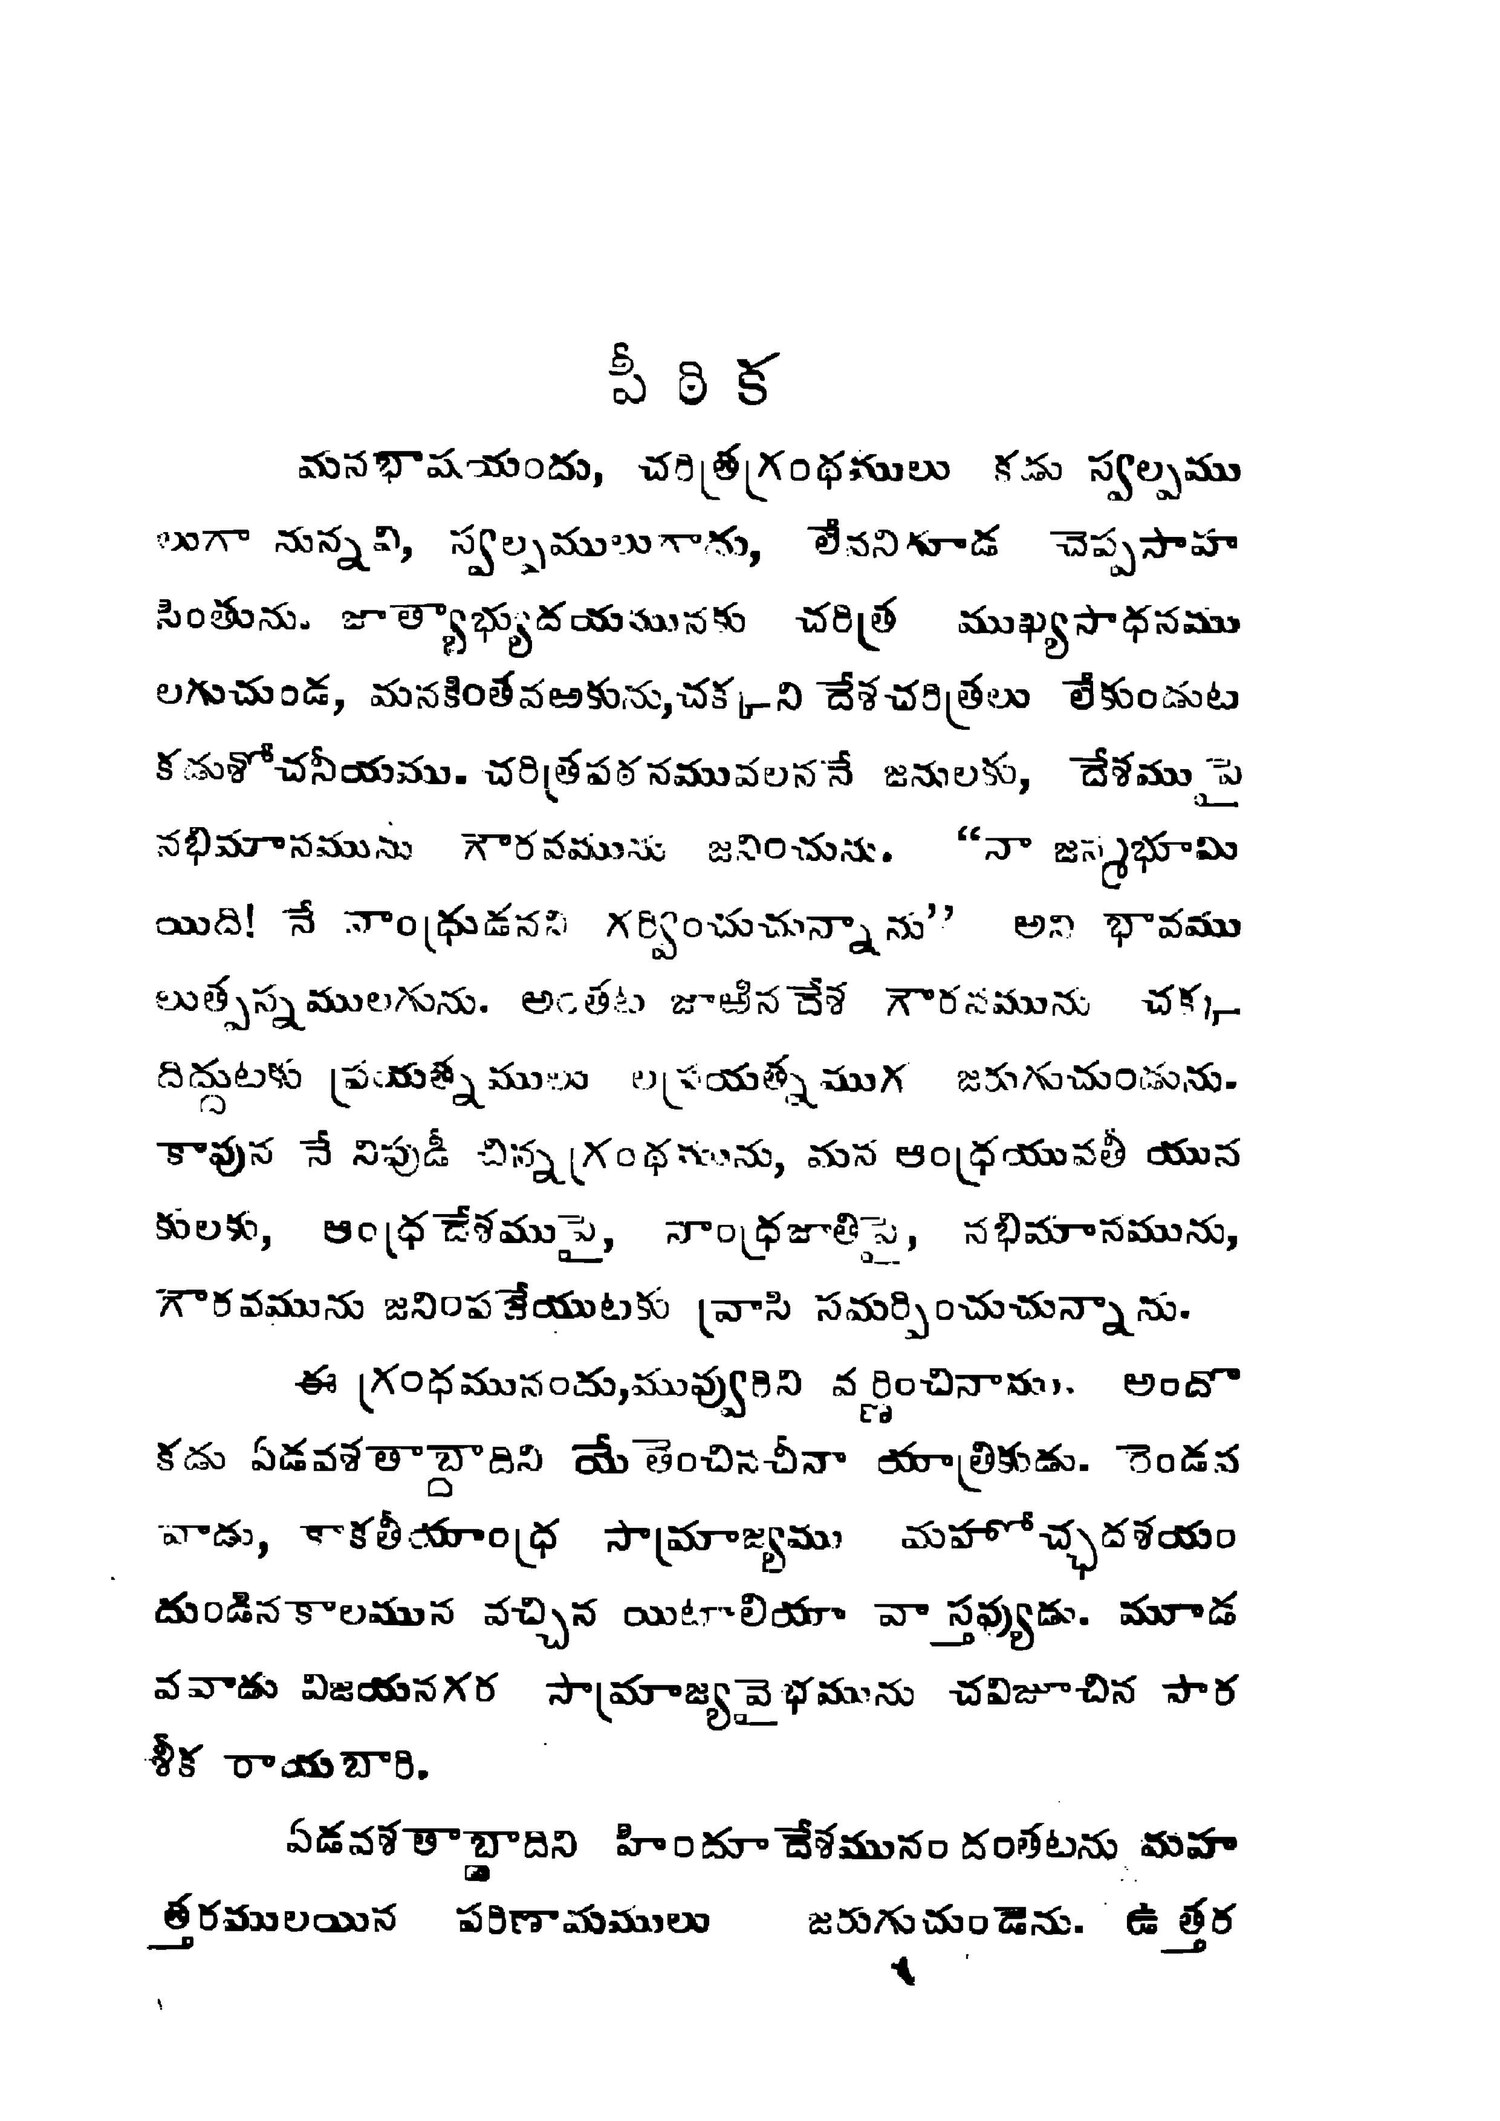మనభాషయందు,చరిత్ర గ్రంథములు కడుస్వల్పములుగా నున్నవి,స్వల్పములుగాదు,లేవనికూడా చెప్ప సాహ సింతును.జాత్యాభ్యుదయమునకు చరిత్ర ముఖ్యసాధనములగుచుండ, మనకింతవఱకు, చక్కని దేశచరిత్రలు లేకుండుటకడుశోచనీయము. చరిత్రపఠనము వలననే జనులకు, దేశముపై నభిమానమును గౌరవమును జనించును. "నాజన్మభూమియిది!నే నాంధ్రుడనని గర్వించుచున్నాను" అని భావము లుత్పన్నములగును. అంతట జాఱిన దేశగౌరవమును చక్కదిద్దుటకు ప్రయత్నములు లప్రయత్నముగ జరుగుచుండును.కావున నే నిపుడీ చిన్న గ్రంథమును, మన ఆంధ్రయువతీ యువకులకు, ఆంధ్రదేశముపై, నాంధ్రజాతిపై, నభిమానము ను, గౌరవమునుజనింపజేయుటకు వ్రాసి సమర్పించుచున్నాను.

ఈ గ్రంథమునందు, మువ్వురిని వర్ణించినాము.అందొకడు ఏడవశతాబ్దాదిని యేతెంచిన చీనాయత్రికుడు. రెండవ వాడు, కాకతీయాంధ్ర సామ్రాజ్యము మహోచ్ఛదశయండుండిన కాలమున వచ్చిన యిటాలియా వాస్తవ్యుడు. మూడవవాడు విజయనగర సామ్రాజ్యవైభవమును చవిజూచిన పారశీక రాయబారి.

ఏడవశతాబ్దిని హిందూదేశమునంతటను మాహత్తరములయిన పరిణామములు జరుగుచుండెను.ఉత్తర